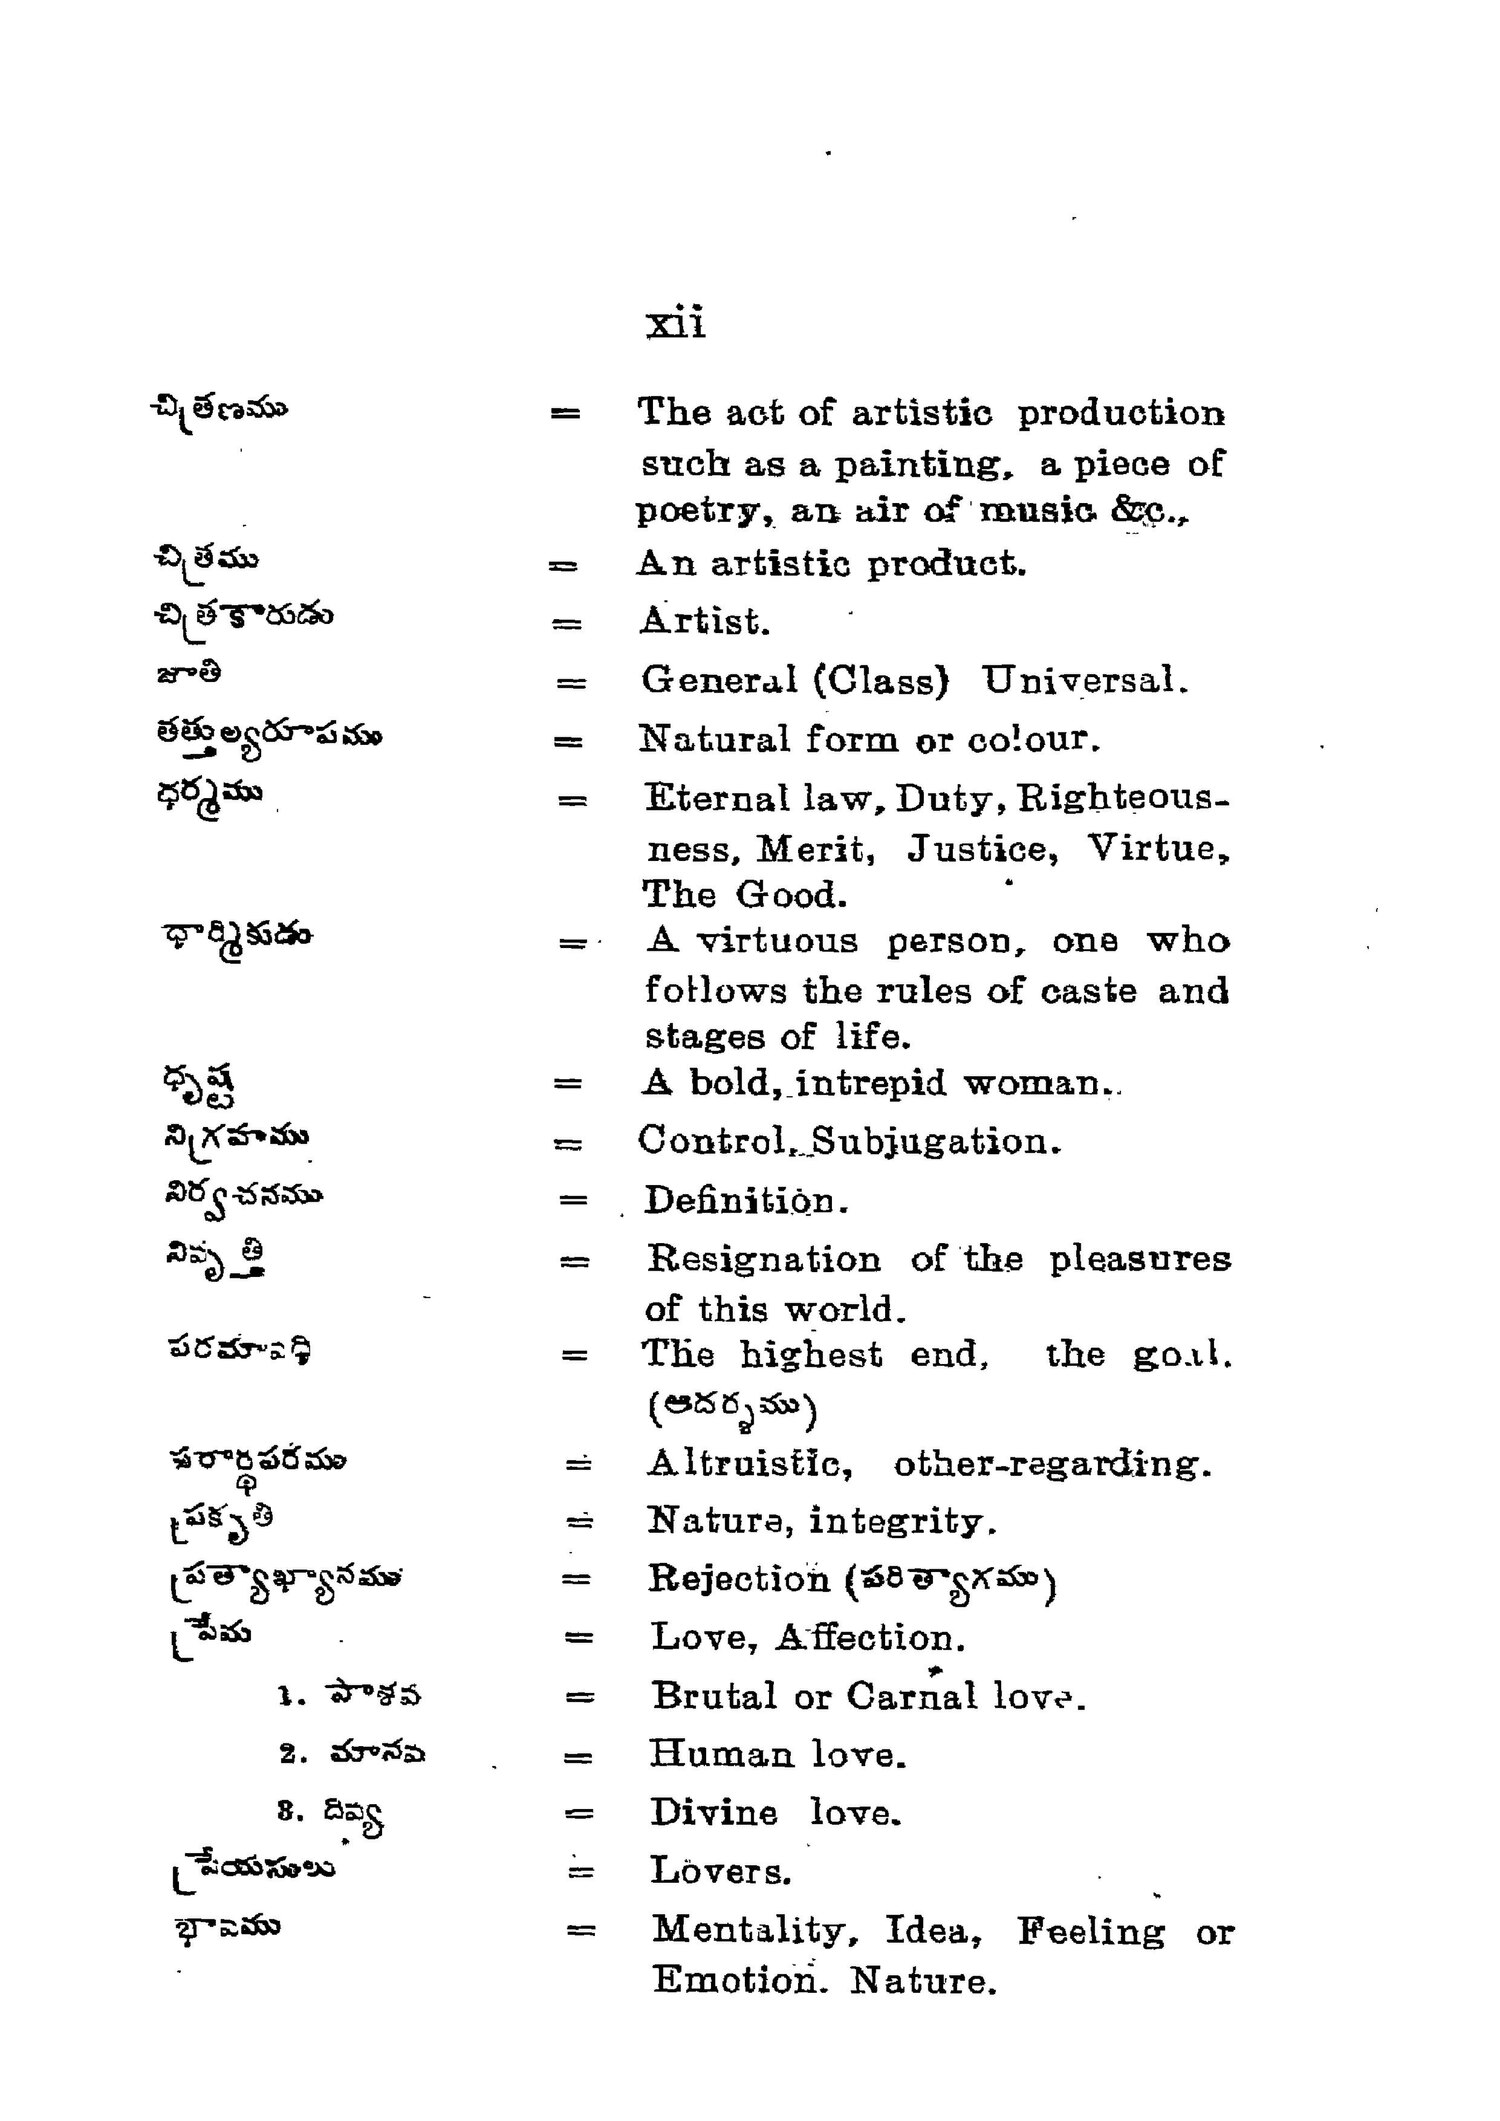చిత్రణము The act of artistic production such as painting, a piece of poetry, an air of music &c., చిత్రము An artistic product. చిత్రకారుడు Artist. జాతి General (class) Universal. తత్తుల్యరూపము Natural form or colour. ధర్మము Eternal law, Duty, Righteousness, Merit, Justice, Virtue, The Good. ధార్మికుడు A virtuous person, one who follows the rules of caste and stages of life. ధృష్ట A bold, intrepid woman. నిగ్రహము Control, Subjugation. నిర్వచనము Definition నివృత్తి Resignation of the pleasures of this world. పరమావధి The highest end, the goal. (ఆదర్శము) పరార్థపరము A ltruistic, other-regarding ప్రకృతి Natura, integrity. ప్రత్యాఖ్యానము Rejection (పరిత్యాగము) ప్రేమ Love, Affection. 1. పాశవ Brutal or Carnal love. 2. మానవ Human Love. 3. దివ్య Divine Love. ప్రేయసులు Lovers. భావము Mentality, Idea, Feeling or Emotion. Nature.